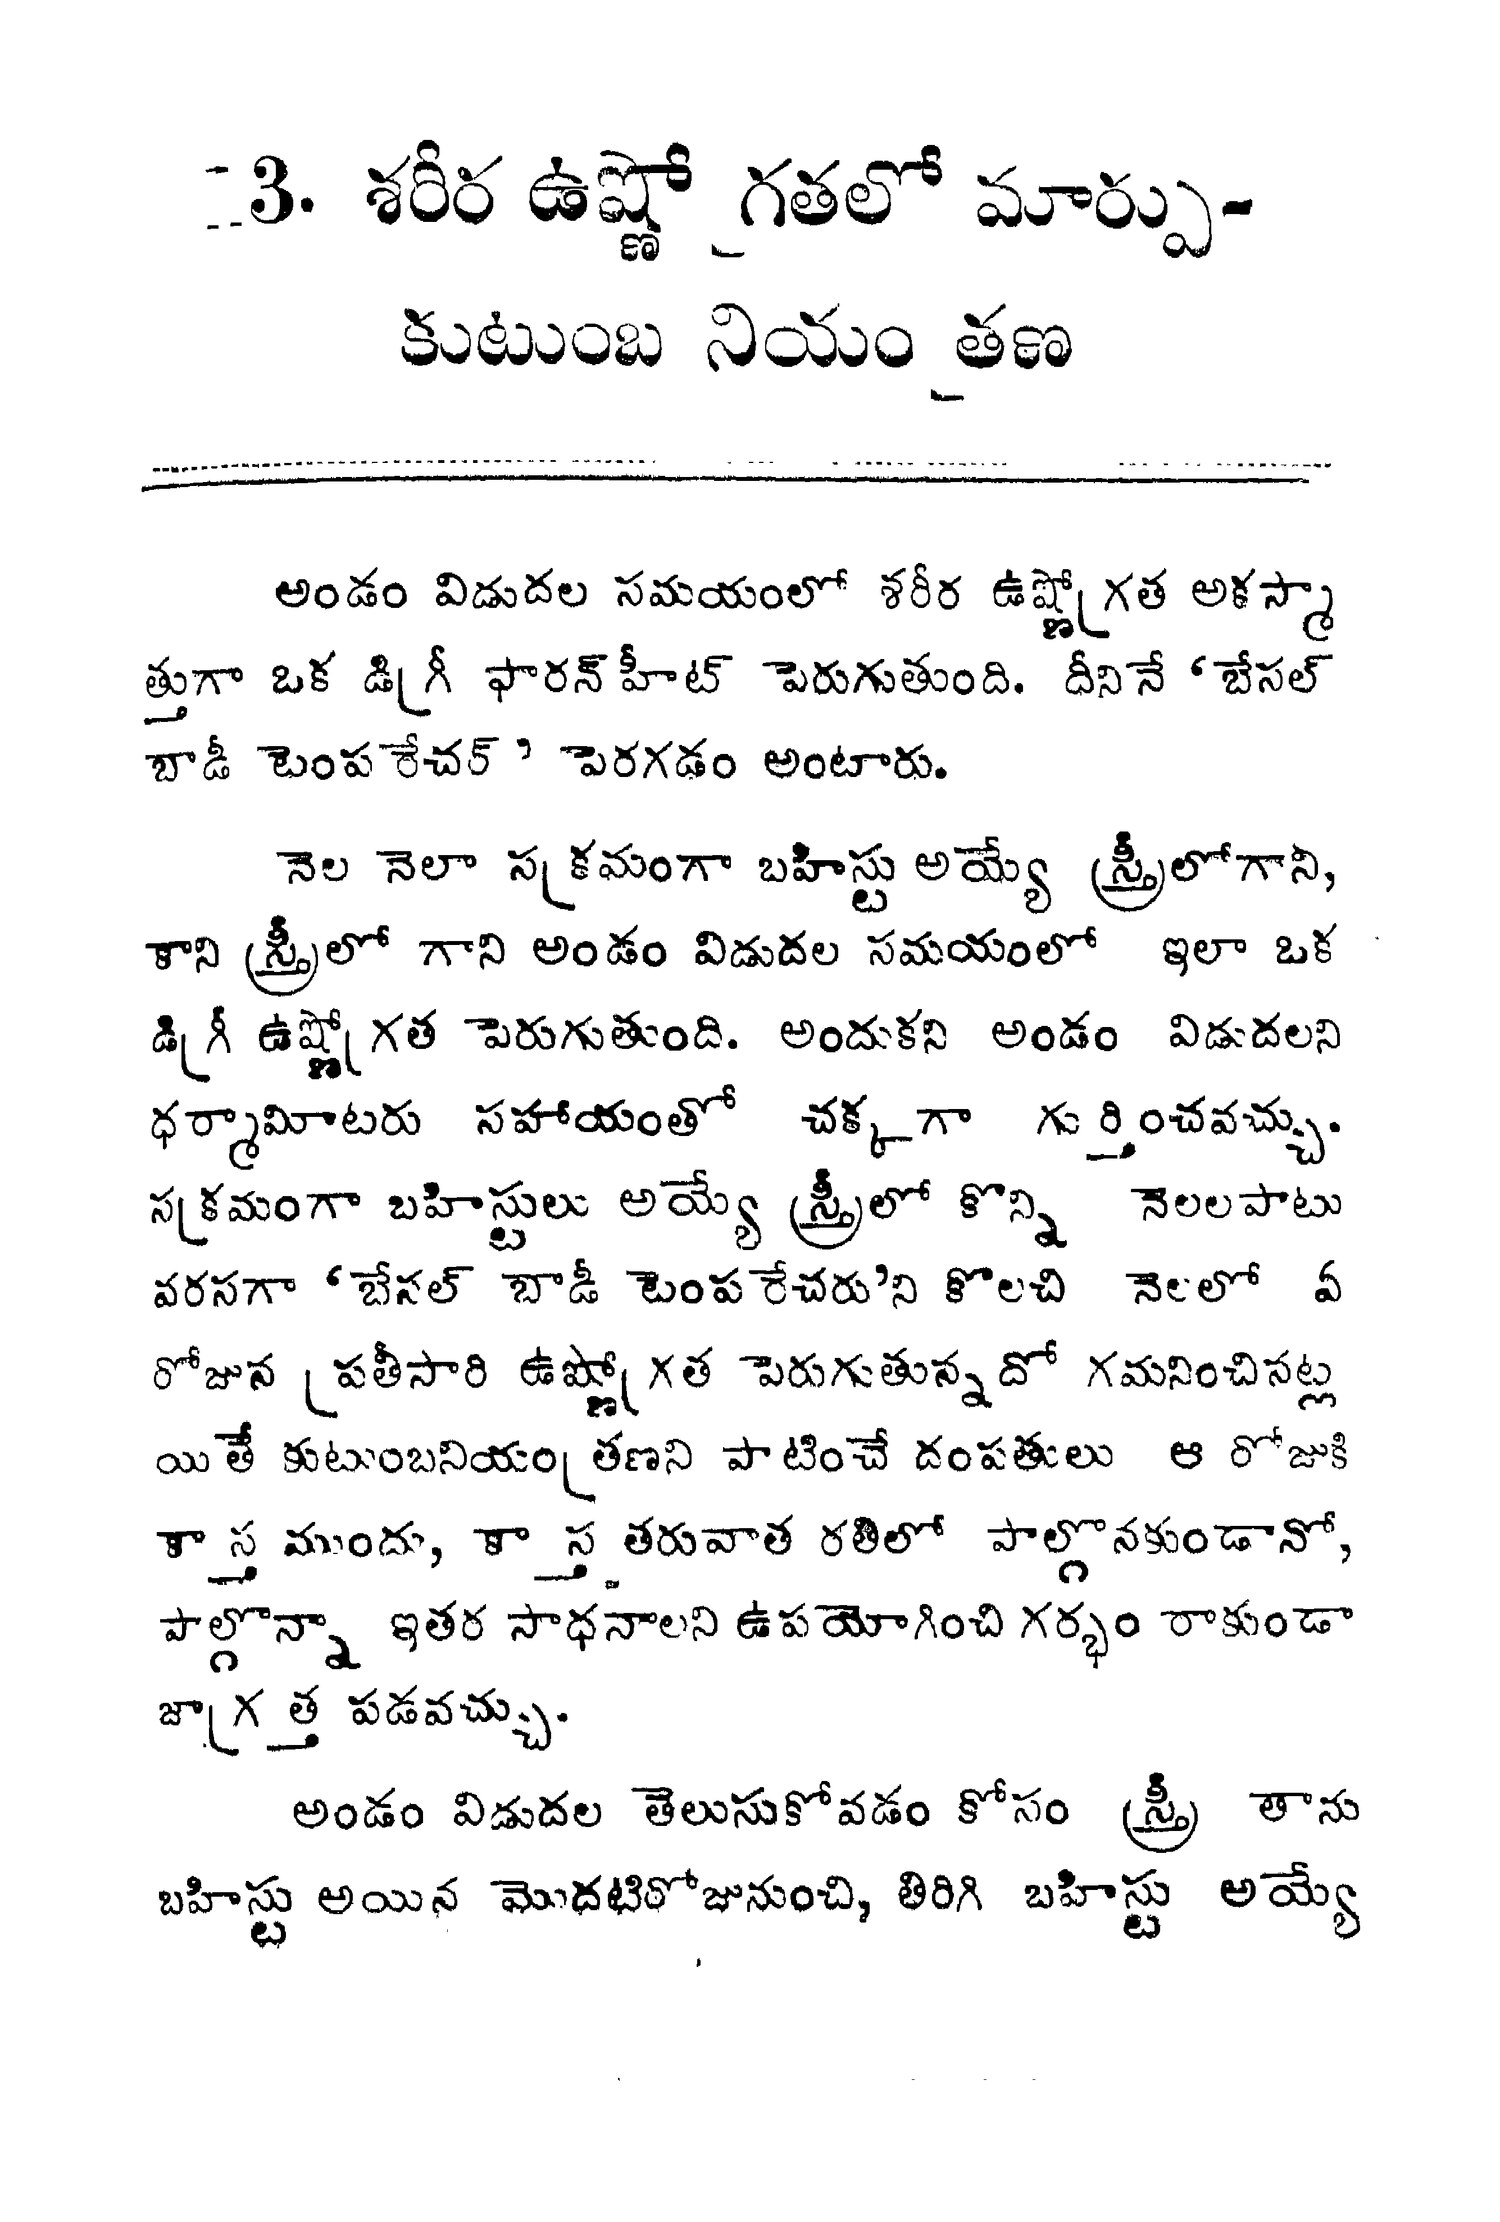అండం విడుదల సమయంలో శరీర ఉష్ణోగ్రత అకస్మాత్తుగా ఒక డిగ్రీ ఫారన్ హీట్ పెరుగుతుంది. దీనినే ‘బేసల్ బాడీ టెంపరేచర్ ‘ పెరగటం అంటారు.

నెల నెలా సక్రమంగా బహిష్టు అయ్యే స్త్రీలోగాని, కాని స్త్రీలో గాని అండం విడుదల సమయంలో ఇలా ఒక డిగ్రీ ఉష్ణోగ్రత పెరుగుతుంది. అందుకని అండం ధర్మామీటరు సహాయంతో చక్కగా గుర్తించవచ్చు. సక్రమంగా బహిష్టులు అయ్యే స్త్రీలో కొన్ని నెలలపాటు వరసగా ‘బేనల్ బాడీ టెంపరేచరు ‘ ని కొలచి నెలలో ఏరోజున ప్రతీసారి ఉష్ణోగ్రత పెరుగుతున్నదో గమనించినట్లయితే కుటుంబనియంత్రణ్ని పాటించే దంపతులు ఆరోజుకి కాస్తముందు, కాస్త తరువాత రతిలో పాల్గొనకుండానో, పాల్గొన్నా ఇతరసాధనాలనీ ఉపయోగించి గర్భం రాకుండా జాగ్రత్త పడవచ్చు.

అండం విడుదల తెలుసుకోవడం కోసం స్త్రీ తాను బహిష్టు అయిన మొదటిరోజునొంచి, తిరిగి బహిష్టు అయ్యే